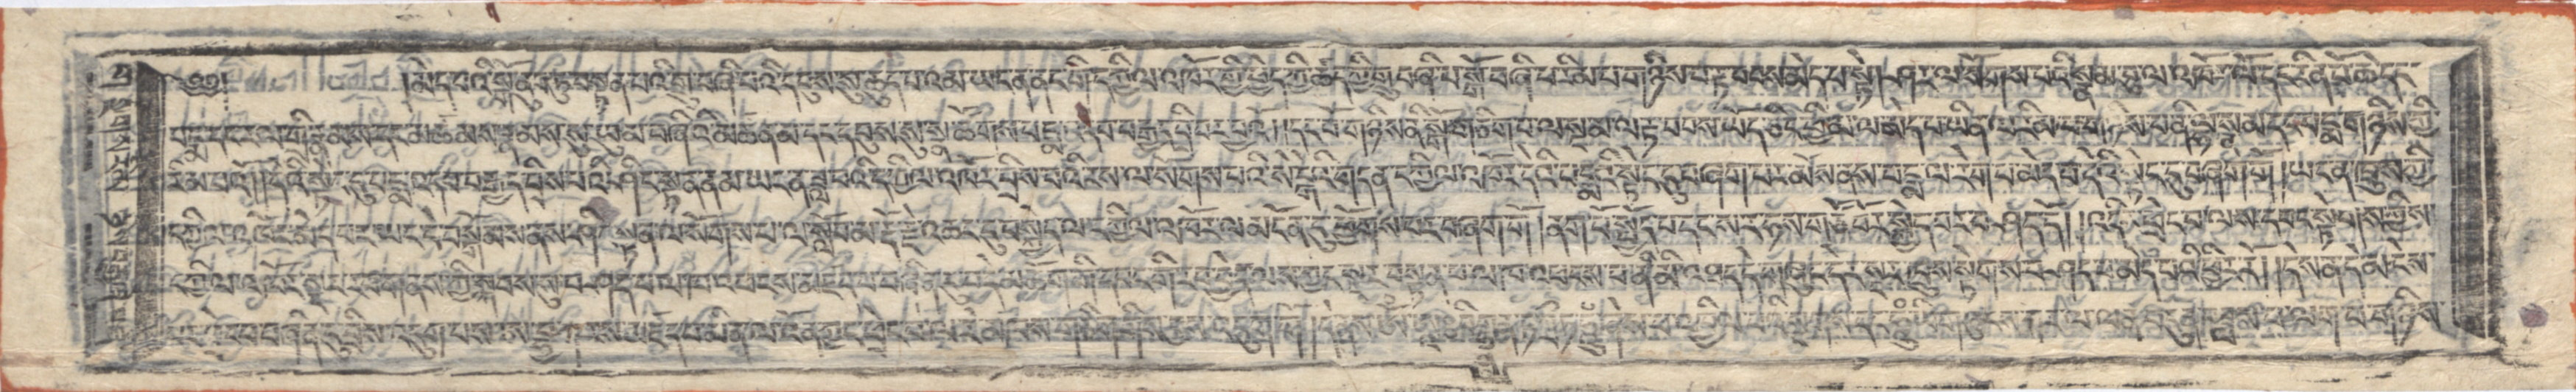༄༅། །མེད་པའི་སྒོ་ནུབ་ཏུ་བསྟན་པའི་གྲུ་བཞི་པའི་དབུས་སུ་ཆུད་པ་འམ་ཡང་ན་ནང་གི་དཀྱིལ་འཁོར་གྱི་ཕྱེད་ཀྱི་ཚད་ཀྱི་གྲུ་བཞི་པ་སྒོ་བཞི་པ་རིམ་པ་གཉིས་པ་རྟ་བབས་མེད་པ་སྟེ། ཤར་ལ་སོགས་པའི་སྣམ་བུ་ལ་འཁོར་ལོ་དང་རིན་པོ་ཆེ་དང་
པདམ་དང་རལ་གྲི་རྣམས་དང་མཚམས་རྣམས་སུ་ཡུམ་བཞིའི་མཚན་མ་དང་དབུས་སུ་སྣ་ཚོགས་པདམ་འདབ་བརྒྱད་བྲི་བར་བྱའོ། །དང་པོ་གཉིས་ནི་སྒོ་གཅིག་པ་ལ་སྔ་མ་ལ་རྟ་བབས་ཡོད་ཅིང་ཕྱི་མ་ལ་མེད་པ་ཡིན་ལ་རིམ་པ་གཉིས་པ་ནི་ལྷ་སྣམ་དང་པདམ་གཉིས་ཀྱི་
རིམ་པའོ། །དེའི་སྟེང་དུ་པདམ་འདབ་བརྒྱད་བྲིས་པའི་ཤིང་སྟན་ནམ་ཡང་ན་ཟླ་བའི་དཀྱིལ་འཁོར་བྲིས་པའི་རས་ལ་སོགས་པའི་སེངྒེའི་གདན་དཀྱིལ་འཁོར་དེའི་པདམའི་སྟེང་དུ་བཞག་པར་མོས་ནས་པདམ་ལ་རེག་པ་མེད་པ་དེའི་སྟེང་དུ་བཞག་གོ །ཡང་ན་ཁྲུས་ཀྱི་
དཀྱིལ་འཁོར་མེད་པར་ཡང་དེ་བསྒོམས་ནས་ཤིང་སྟན་ལ་སོགས་པ་ལ་སློབ་མ་རྡོ་རྗེ་འཆང་དུ་བསྐྱེད་ལ་དཀྱིལ་འཁོར་ལ་མངོན་དུ་ཕྱོགས་པར་བཞག་གོ །ནག་པོ་སྤྱོད་པ་དང་ས་ར་ཧས་གཙོ་བོར་སྐྱེད་པར་བཤད་དོ། །འདིར་ཕྲེང་བ་ལས་དབང་སྟེགས་ཀྱིས་
དཀྱིལ་འཁོར་སྔར་རབ་གནས་ཀྱི་སྐབས་སུ་བཤད་པ་ལ་ཁ་འཕངས་མཛད་པ་བཞིན་དུ་བདེ་མཆོག་གི་དབང་གི་རབ་བྱེད་ལས་ཀྱང་སྔར་བསྟན་པ་ལ་ཁ་འཕངས་པ་ནི་མི་འཐད་དེ་གཞུང་དེར་སྔར་ཁྲུས་སྟེགས་བཤད་པ་མེད་པའི་ཕྱིར་རོ། །དེས་ན་དེ་མ་ངེས་
པར་ཕྲེང་བ་བཞིན་དུ་བྲིས་འདུག་པས་ཨ་བྷྱ་ཀ་རས་མཛད་པ་མིན་ལ་འོན་ཀྱང་ཕྲེང་བ་ལ་རེ་མཁས་གཅིག་གིས་བྱས་འདུག་གོ །དེ་ནས་ཨོཾ་ཨཱཿ བིགྷྲྴན་ཏ་ཀྲྀ་ཏ་ཧཱུཾ་ཞེས་པ་འཁྱིལ་པའི་སྔགས་དང་ཧཱུཾ་ཡིག་ཉུངས་ཀར་ལ་ལན་བདུན་བཟླས་པ་ལག་པ་གཉིས་